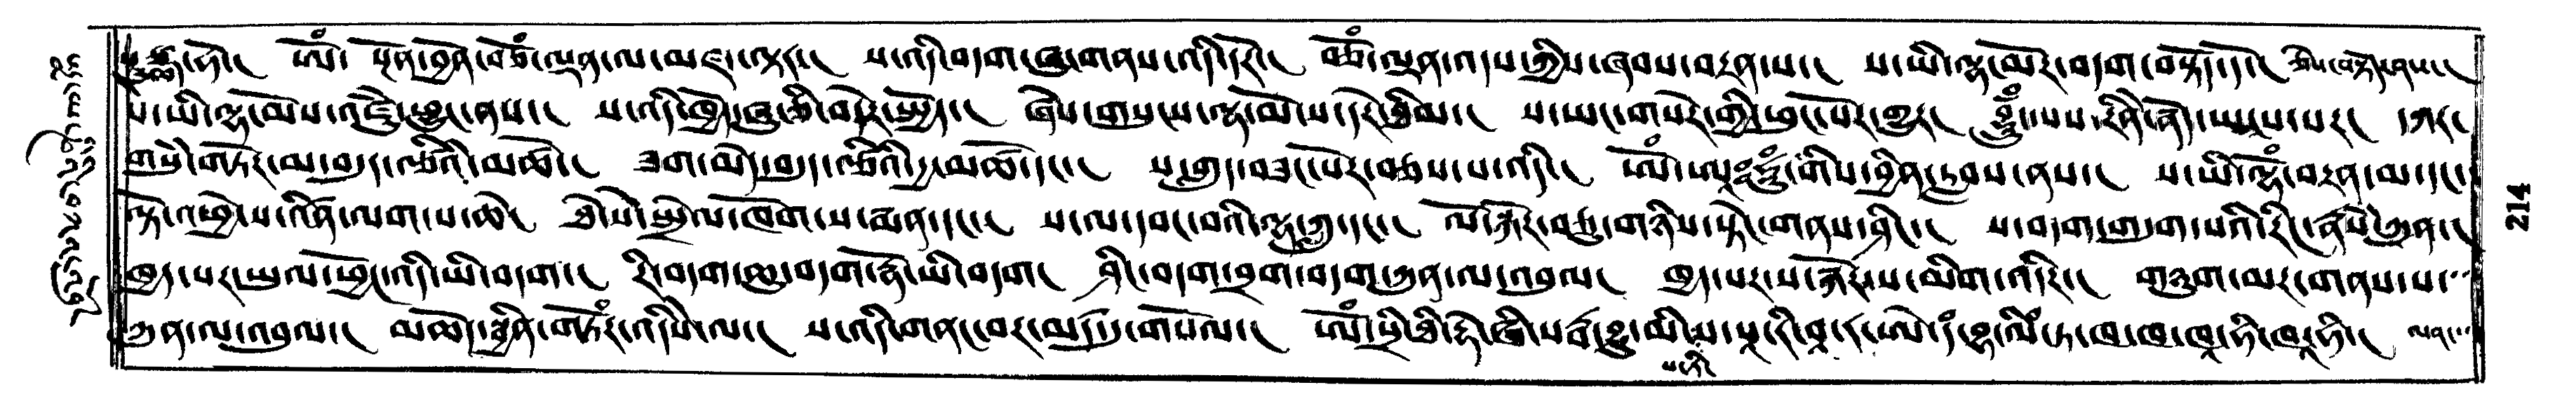སཱཙྪ་ཧོ། ཨོཾ་སྔོན་བྱོན་བཅོམ་ལྡན་ལ་མཛད་ལྟར། །ས་འདི་བདག་ཞུ་གནས་འདི་དོར། །བཅོམ་ལྡན་འདས་ཀྱི་ཞབས་བརྟེན་པ། ས་ཡི་ལྷ་མོར་བདག་བསྟོད་དོ།། ཅེས་བསྟོད་ནས། 
ས་ཡི་ལྷ་མོས་འཛུམ་ཕྱུང་ནས། །ས་འདི་ཁྱོད་ཞུ་ཅི་བདེར་སྤྱོད། །ཞེས་གསུངས་ལྷ་མོ་ས་དེར་ཐིམ། །ས་ཡང་གསེར་གྱི་ཕུང་པོར་གྱུར། །བྷྲུྃ་ལས་རིན་ཆེན་སྣོད་ཡངས་པར། །དཀར་
གསུམ་གཏོར་མ་བདུད་རྩིའི་མཚོ། །ཟག་མེད་བདུད་རྩིའི་རྒྱ་མཚོ་དང་། །ས་གླུད་བཟང་པོར་བཅས་པ་འདི། །ཨོཾ་ཨཱཿཧཱུཾ་གིས་བྱིན་རླབས་ནས། །ས་ཡི་ལྷ་མོ་བརྟན་མ་དང་། །
ལྷོ་འཕྱེ་ས་འཛིན་ལག་པ་ཆེ། །ཐེ་སེ་སྤྲེལ་ཁོག་ས་སྨན་དང་། །ས་ལ་དབང་བའི་ལྷ་ཀླུ་དང་། །ལོ་སྐོར་བཅུ་གཉིས་སྟེང་གནས་ཤིང་། །ས་བདག་གདུག་པའི་རིགས་རྣམས་ཀུན། །
ཁྱད་པར་ཡུལ་ཕྱོགས་འདི་ཡི་བདག།རི་བདག་ཆུ་བདག་རྡོ་ཡི་བདག །ཤིང་བདག་བྲག་བདག་ཀུན་ལ་འབུལ། །ཁྱད་པར་ས་སྐོར་ས་མིག་འདིར། །གཉུག་མར་གནས་པ་
ཀུན་ལ་འབུལ། །མཆོད་སྦྱིན་གཏོར་མ་འདི་བཞེས་ལ། །ས་འདི་གནང་བར་མཛད་དུ་གསོལ།། ཨོཾ་པྲི་ཐི་དྷེ་ཝི་སརྦ་བྷུ་མི་པ་ཏི་ས་པཱ་རི་བཱ་ར་ཨེ་དཾ་བྷ་ལིང་ཏ་ཁ་ཁ་ཁཱ་ཧི་ཁཱ་ཧི། ལན་